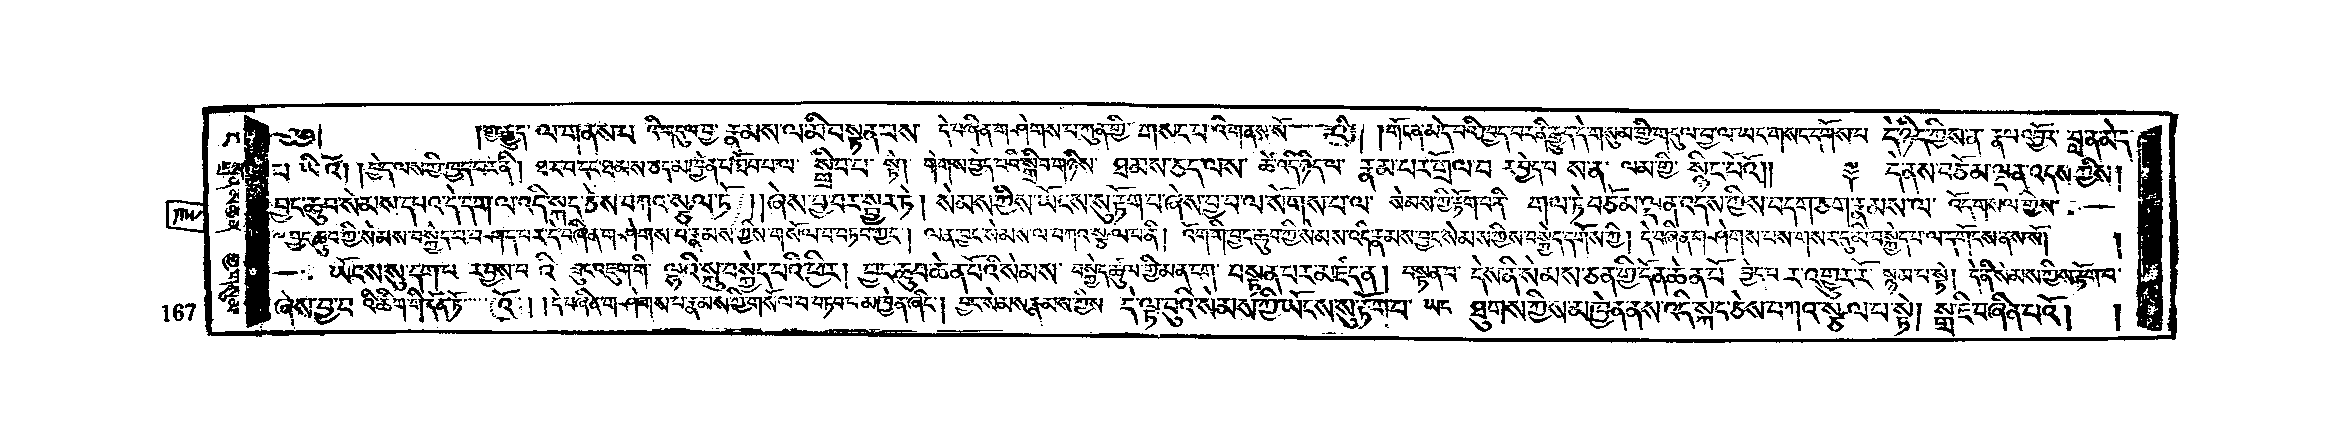༄༅། །གྱི་རྒྱུད་ལ་ངས་པའི་འདུལ་བྱ་རྣམས་ལ་མི་བསྟན་པས་དེ་བཞིན་གཤེགས་པ་ཀུན་གྱི་གསང་བའི་གནས་སོ་འོ། ། གོང་ན་མེད་པའི་ཁྱད་པར་ནི་རྒྱུད་དེ་གསུམ་གྱི་གདུལ་བྱ་ལ་ཡང་གསང་དགོས་པ་དེ་ཉིད་ཀྱིས་ན་རྣལ་འབྱོར་བླ་ན་མེད་
པ་ཡི་འོ། ། བྱེད་ལས་ཀྱི་ཁྱད་པར་ནི། ཐར་པ་དང་ཐམས་ཅད་མཁྱེན་པ་ཐོབ་པ་ལ་སྒྲིབ་པ་སྟེ། གེགས་བྱེད་པའི་སྒྲིབ་གཉིས་ཐམས་ཅད་ལས་ཚེ་འདི་ཉིད་ལ་རྣམ་པར་གྲོལ་བར་བྱེད་པ་ས་ན་ལམ་གྱི་སྙིང་པོའོ།། ༈ དེ་ནས་བཅོམ་ལྡན་འདས་ཀྱིས།
བྱང་ཆུབ་སེམས་དཔའ་དེ་དག་ལ་འདི་སྐད་ཅེས་བཀའ་སྩལ་ཏོ། །ཞེས་བྱ་བར་སྦྱར་ཏེ། སེམས་ཀྱིས་ཡོངས་སུ་རྟོག་པ་ཞེས་བྱ་བ་ལ་སོགས་པ་ལ་སེམས་ཀྱི་རྟོག་པ་ནི་གལ་ཏེ་བཅོམ་ལྡན་འདས་ཀྱིས་བདག་ཅག་རྣམས་ལ་འོད་གསལ་གྱིས་H.
༧བྱང་ཆུབ་ཀྱི་སེམས་བསྐྱེད་པ་བཤད་པར་དེ་བཞིན་གཤེགས་པ་རྣམས་ཀྱིས་གསོལ་བ་བཏབ་ཀྱང་། ལན་བྱང་སེམས་ལ་བཀའ་སྩལ་པ་ནི། འོག་གི་བྱང་ཆུབ་ཀྱི་སེམས་འདི་རྣམས་བྱང་སེམས་ཀྱིས་བསྐྱེད་དགོས་ཀྱི། དེ་བཞིན་གཤེགས་པས་གསར་དུ་མི་བསྐྱེད་པ་ལ་དགོངས་ནས་སོ། །
.H ཡོངས་སུ་དག་པར་བྱས་པའི་ཟུང་འཇུག་གི་ལྷའི་སྐུ་བསྐྱེད་པའི་ཕྱིར། བྱང་ཆུབ་ཆེན་པོའི་སེམས་བསྐྱེད་ཚུལ་གྱི་མན་ངག་བསྟན་པར་མཛད་ན། བསྟན་པ་དེས་ནི་སེམས་ཅན་གྱི་དོན་ཆེན་པོ་བྱེད་པར་འགྱུར་རོ་སྙམ་པ་སྟེ། དེ་ནི་སེམས་ཀྱིས་རྟོག་པ
ཞེས་བྱ་བའི་ཚིག་གི་དོན་ཏོ་འོ། ། དེ་བཞིན་གཤེགས་པ་རྣམས་ཀྱི་གསོལ་བ་བཏབ་པ་མཁྱེན་ཞིང་། བྱང་སེམས་རྣམས་ཀྱིས་དེ་ལྟ་བུའི་སེམས་ཀྱི་ཡོངས་སུ་རྟོག་པ་ཡང་ཐུགས་ཀྱིས་མཁྱེན་ནས་འདི་སྐད་ཅེས་བཀའ་སྩལ་པ་སྟེ། སྒྲ་ཇི་བཞིན་པའོ། །